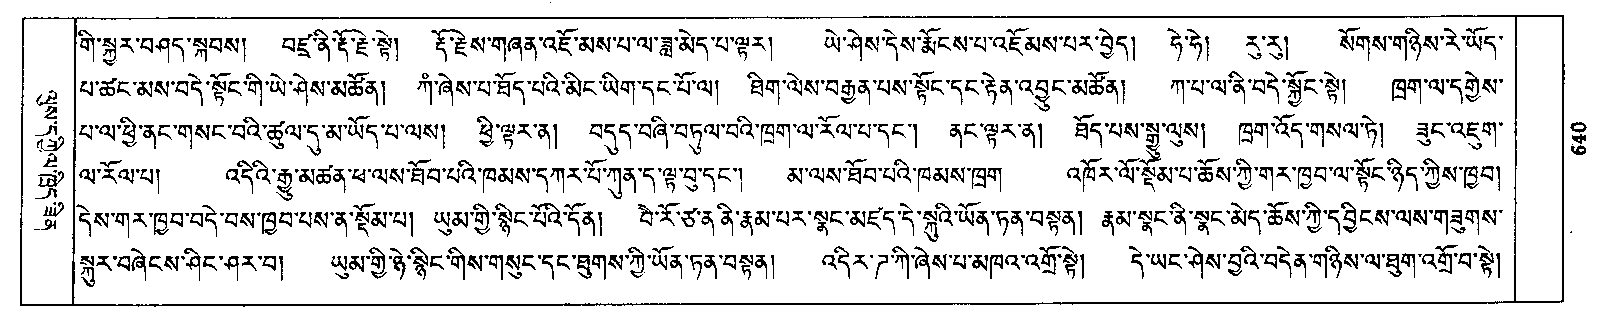གི་སྐྱར་བཤད་སྐབས། བཛྲ་ནི་རྡོ་རྗེ་སྟེ། རྡོ་རྗེས་གཞན་འཇོ་མས་པ་ལ་ཟླ་མེད་པ་ལྟར། ཡེ་ཤེས་དེས་རྨོངས་པ་འཇོམས་པར་བྱེད། ཧེ་ཧེ། རུ་རུ། སོགས་གཉིས་རེ་ཡོད་
པ་ཚང་མས་བདེ་སྟོང་གི་ཡེ་ཤེས་མཚོན། ཀཾ་ཞེས་པ་ཐོད་པའི་མིང་ཡིག་དང་པོ་ལ། ཐིག་ལེས་བརྒྱན་པས་སྟོང་དང་རྟེན་འབྱུང་མཚོན། ཀ་པ་ལ་ནི་བདེ་སྐྱོང་སྟེ། ཁྲག་ལ་དགྱེས་
པ་ལ་ཕྱི་ནང་གསང་བའི་ཚུལ་དུ་མ་ཡོད་པ་ལས། ཕྱི་ལྟར་ན། བདུད་བཞི་བཏུལ་བའི་ཁྲག་ལ་རོལ་པ་དང་། ནང་ལྟར་ན། ཐོད་པས་སྒྱུ་ལུས། ཁྲག་འོད་གསལ་ཏེ། ཟུང་འཇུག་
ལ་རོལ་པ། འདིའི་རྒྱུ་མཚན་ཕ་ལས་ཐོབ་པའི་ཁམས་དཀར་པོ་ཀུན་ད་ལྟ་བུ་དང་། མ་ལས་ཐོབ་པའི་ཁམས་ཁྲག་འཁོར་ལོ་སྡོམ་པ་ཆོས་ཀྱི་གར་ཁྱབ་ལ་སྟོང་ཉིད་ཀྱིས་ཁྱབ།
དེས་གར་ཁྱབ་བདེ་བས་ཁྱབ་པས་ན་སྡོམ་པ། ཡུམ་གྱི་སྙིང་པོའི་དོན། བཻ་རོ་ཙ་ན་ནི་རྣམ་པར་སྣང་མཛད་དེ་སྐུའི་ཡོན་ཏན་བསྟན། རྣམ་སྣང་ནི་སྣང་མེད་ཆོས་ཀྱི་དབྱིངས་ལས་གཟུགས་
སྐུར་བཞེངས་ཤིང་ཤར་བ། ཡུམ་གྱི་ཉེ་སྙིང་གིས་གསུང་དང་ཐུགས་ཀྱི་ཡོན་ཏན་བསྟན། འདིར་ཌ་ཀི་ཞེས་པ་མཁའ་འགྲོ་སྟེ། དེ་ཡང་ཤེས་བྱའི་བདེན་གཉིས་ལ་ཐུག་འགྲོ་བ་སྟེ།